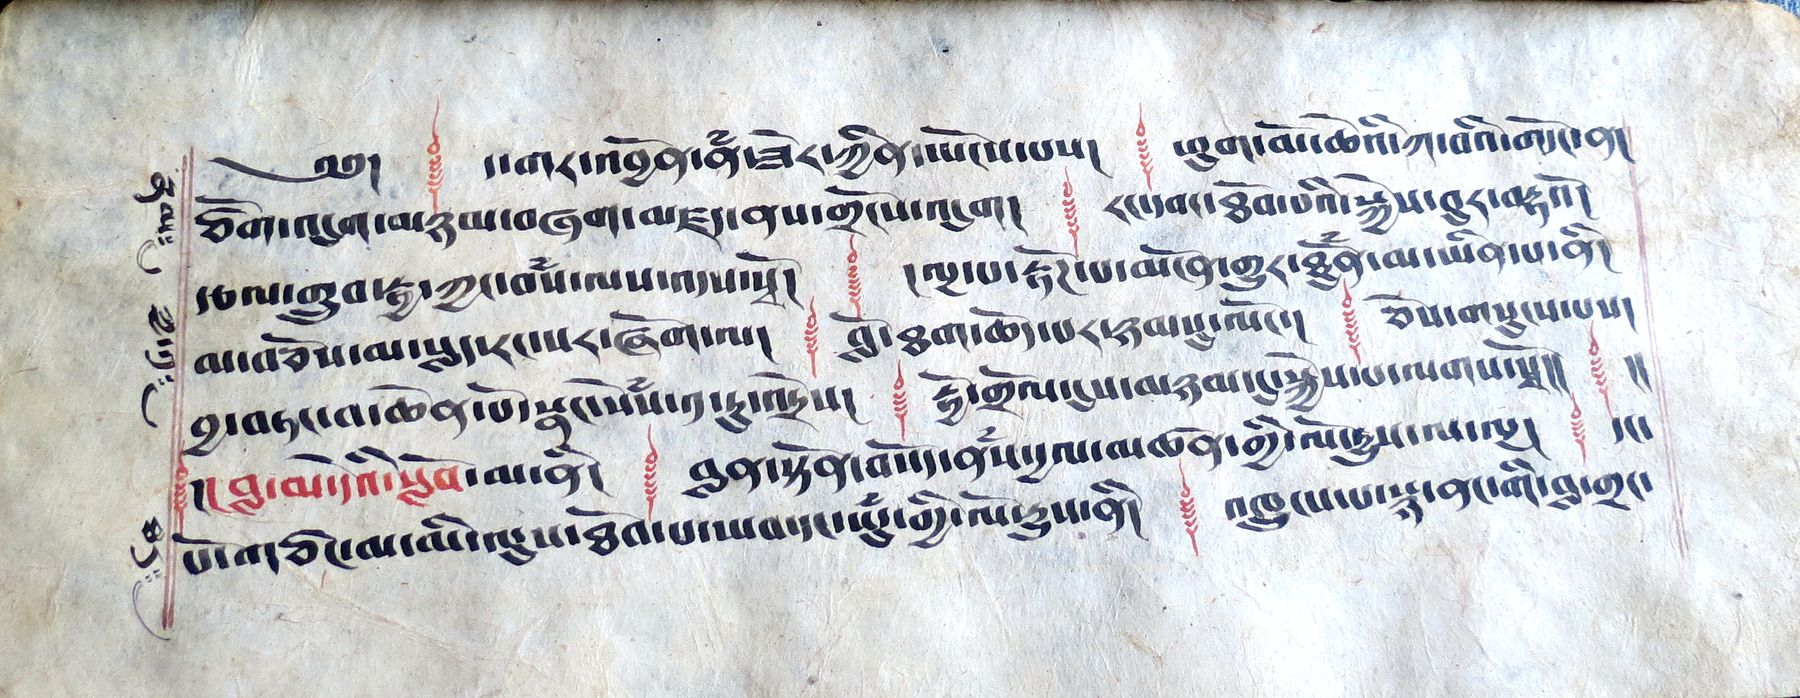ད་གར་འབྱོན་ནམ་ཟེར་གྱིན་ཡོད་པས། ཕུག་མོ་ཆེའི་ཀ་བའི་གདོང་ན་
ཙོག་འདུག་མཉམ་བཞག་མཛད་ནས་གྲོངས་འདུག རང་དབང་ཐོབ་པའི་སྐྱེས་བུར་གདའ་འོ། 
། རྩལ་གྲུབ་རྟགས་ཀྱང་བསམ་ལས་འདས་སོ། ། ལྔ་པ་རྟོགས་པ་མངོན་གྱུར་ཐུན་མོང་མ་ཡིན་པ་ནི། 
མ་བཅོས་མ་སླད་རང་སར་ཞོག་ལ་བློ་ཐག་ཆོད་པར་ཉམས་སུ་ལོངས། ། ཞེས་གསུངས་པས། 
བྱ་བཏང་ཆེན་པོ་སྣང་སེམས་གཅིག་ཏུ་འདྲེས། རྟོགས་གྲོལ་དུས་མཉམ་དུ་སྐྱེས་པ་ལགས་སོ། 
། བླ་མ་དེའི་སློབ་མ་ནི། གླན་སྟོན་བསོད་ནམས་རྒྱལ་མཚན་གྱི་ལོ་རྒྱུས་ལ་ལྔ། དང་
པོ་གཙང་མ་མི་ལུས་ཐོབ་པ་ཡབ་དང་ཡུམ་གྱི་ལོ་རྒྱུས་ནི། འཁྲུངས་ས་སྙ་ནང་གི་བླ་བྲང་